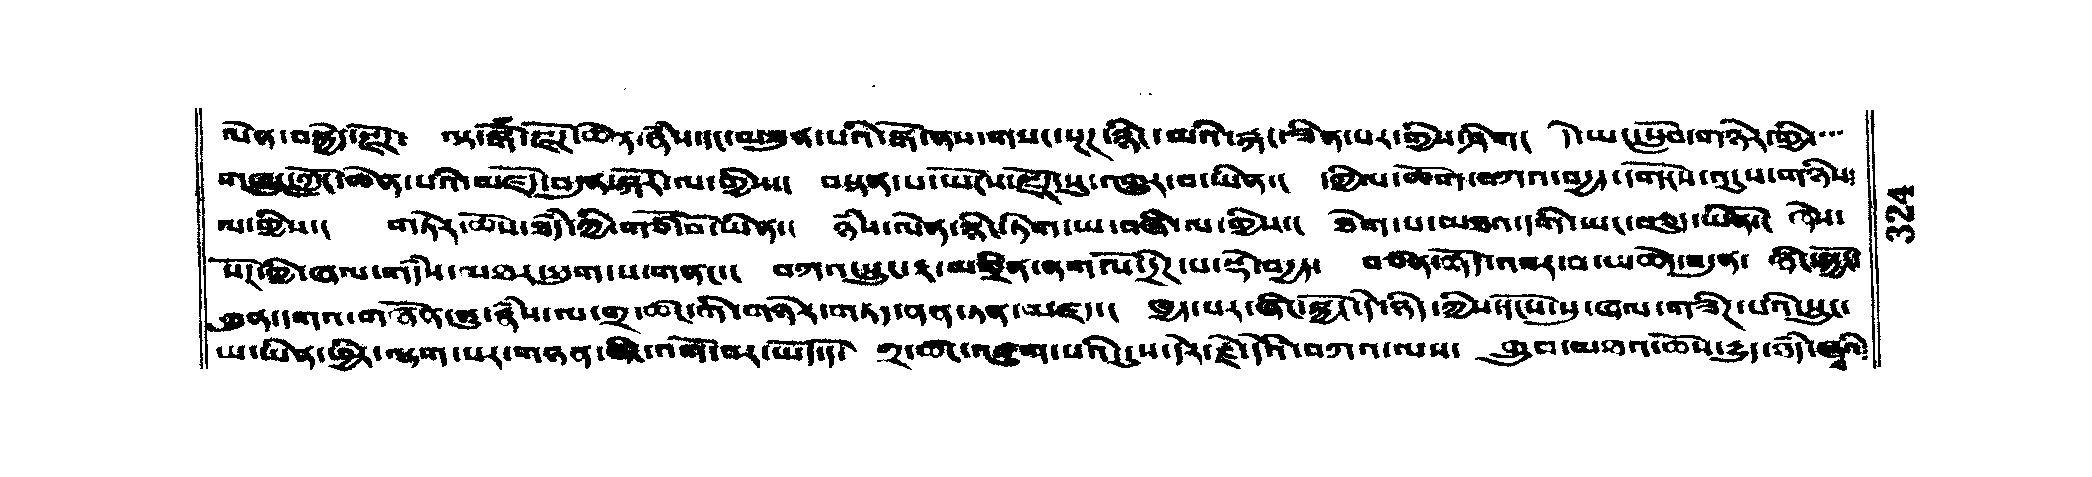ལེན་བསྐྱེད་རྫོགས། ལྟ་སྒོམ་རྫོགས་ཆེན་རྣམས་དང་མཐུན་པའི་སྒོ་ནས་གསང་སྔགས་རྙིང་མའི་རྐང་ཟིན་པར་གྱིས་ཤིག དེ་ཡང་སློབ་གཉེར་གྱི་
གཞུང་ཀློང་ཆེན་པའི་མཛོད་བདུན་སྐོར་ལ་གྱིས། བསྟན་པ་ཡོངས་རྫོགས་སུ་འགྱུར་བ་ཡིན། དཀྱིལ་ཆོག་བཀའ་བརྒྱད་དགོངས་འདུས་གཉིས་
ལ་གྱིས། གཏེར་ཆོས་ཐམས་ཅད་ཀྱི་གཙོ་བོ་ཡིན། ཉམས་ལེན་སྙིང་ཏིག་ཡ་བཞི་ལ་གྱིས། ཐེག་པ་མཐའ་དག་གི་ཡང་བཅུད་ཡིན་ནོ། ཞེས་
སོགས་ཀྱི་ཞལ་གདམས་མཐར་ཐུག་པ་གནང་། བཀའ་སྲུང་རྟ་མགྲིན་ནག་པོ་དྲེགས་པ་སྡེ་བརྒྱད། བཙན་རྒོད་འབར་མ་མཆེད་བདུན། ཞིང་སྐྱོང་
ཀུན་དགའ་གཞོན་ནུ་རྣམས་ལ་གྲྭ་ཚང་གི་གཉེར་གཏད་ནན་ཏན་མཛད། ཁྱད་པར་ཞིང་སྐྱོང་དེ་ཉིད་ཀྱི་དངོས་སུ་ཞལ་གཟིགས་པའི་སྲུང་
མ་ཡིན་ཕྱིར་ལྷག་པར་གཉན་ཞིང་འགོ་བར་ཡོད་དོ། གྲྭ་ཚང་འཛུགས་པའི་དུས་དེར་རྗེ་དེའི་བཀའ་ལས། གྲུབ་མཐའ་ཆོས་རྒྱུད་ཐམས་ཅད་ཞྭའི་